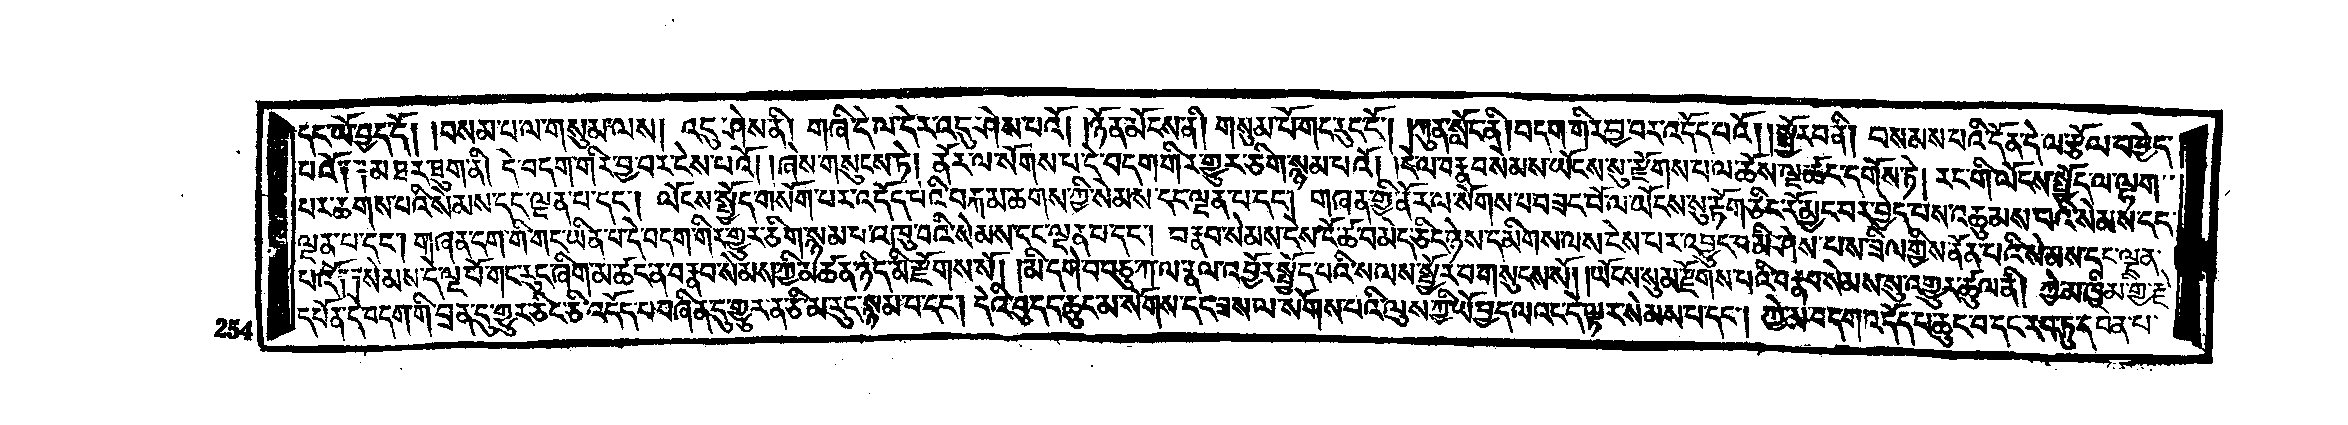དང་ཡོ་བྱད་དོ། །བསམ་པ་ལ་གསུམ་ལས། འདུ་ཤེས་ནི། གཞི་དེ་ལ་དེར་འདུ་ཤེས་པའོ། །ཉོན་མོངས་ནི། གསུམ་པོ་གང་རུང་ངོ། །ཀུན་སློང་ནི། བདག་གིར་བྱ་བར་འདོད་པའོ། །སྦྱོར་བ་ནི། བསམས་པའི་དོན་དེ་ལ་རྩོལ་བ་བྱེད་
པའོ༑ ༑མཐར་ཐུག་ནི། དེ་བདག་གིར་བྱ་བར་ངེས་པའོ། །ཞེས་གསུངས་ཏེ། ནོར་ལ་སོགས་པ་དེ་བདག་གིར་གྱུར་ཅིག་སྙམ་པའོ། །དེ་ལ་བརྣབ་སེམས་ཡོངས་སུ་རྫོགས་པ་ལ་ཆོས་ལྔ་ཚང་དགོས་ཏེ། རང་གི་ལོངས་སྤྱོད་ལ་ལྷག་
པར་ཆགས་པའི་སེམས་དང་ལྡན་པ་དང་། ལོངས་སྤྱོད་གསོག་པར་འདོད་པའི་བརྐམ་ཆགས་ཀྱི་སེམས་དང་ལྡན་པ་དང་། གཞན་གྱི་ནོར་ལ་སོགས་པ་བཟང་པོ་ལ་ཡོངས་སུ་རྟོག་ཅིང་རོ་མྱང་བར་བྱེད་པས་འཆུ་མས་པའི་སེམས་དང་
ལྡན་པ་དང་། གཞན་དག་གི་གང་ཡིན་པ་དེ་བདག་གིར་གྱུར་ཅིག་སྙམ་པ་འཁུ་བའི་སེམས་དང་ལྡན་པ་དང་། བརྣབ་སེམས་དེས་ངོ་ཚ་བ་མེད་ཅིང་ཉེས་དམིགས་ལས་ངེས་པར་འབྱུང་བ་མི་ཤེས་པས་ཟིལ་གྱིས་ནོན་པའི་སེམས་དང་ལྡན་
པའོ༑ ༑སེམས་དེ་ལྔ་པོ་གང་རུང་ཞིག་མ་ཚང་ན་བརྣབ་སེམས་ཀྱི་མཚན་ཉིད་མི་རྫོགས་སོ། །མི་དགེ་བ་བཅུ་ཀ་ལ་རྣལ་འབྱོར་སྤྱོད་པའི་ས་ལས་སྦྱོར་བ་གསུངས་སོ། །ཡོངས་སུ་མ་རྫོགས་པའི་བརྣབ་སེམས་སུ་འགྱུར་ཚུལ་ནི། ཀྱེ་མ་ཁྱིམ་གྱི་རྗེ་
དཔོན་དེ་བདག་གི་བྲན་དུ་གྱུར་ཅིང་ཅི་འདོད་པ་བཞིན་དུ་གྱུར་ན་ཅི་མ་རུང་སྙམ་པ་དང་། དེའི་བུ་དང་ཆུང་མ་སོགས་དང་ཟས་ལ་སོགས་པའི་ལུས་ཀྱི་ཡོ་བྱད་ལའང་དེ་ལྟར་སེམས་པ་དང་། ཀྱེ་མ་བདག་འདོད་པ་ཆུང་བ་དང་རབ་ཏུ་དབེན་པ་